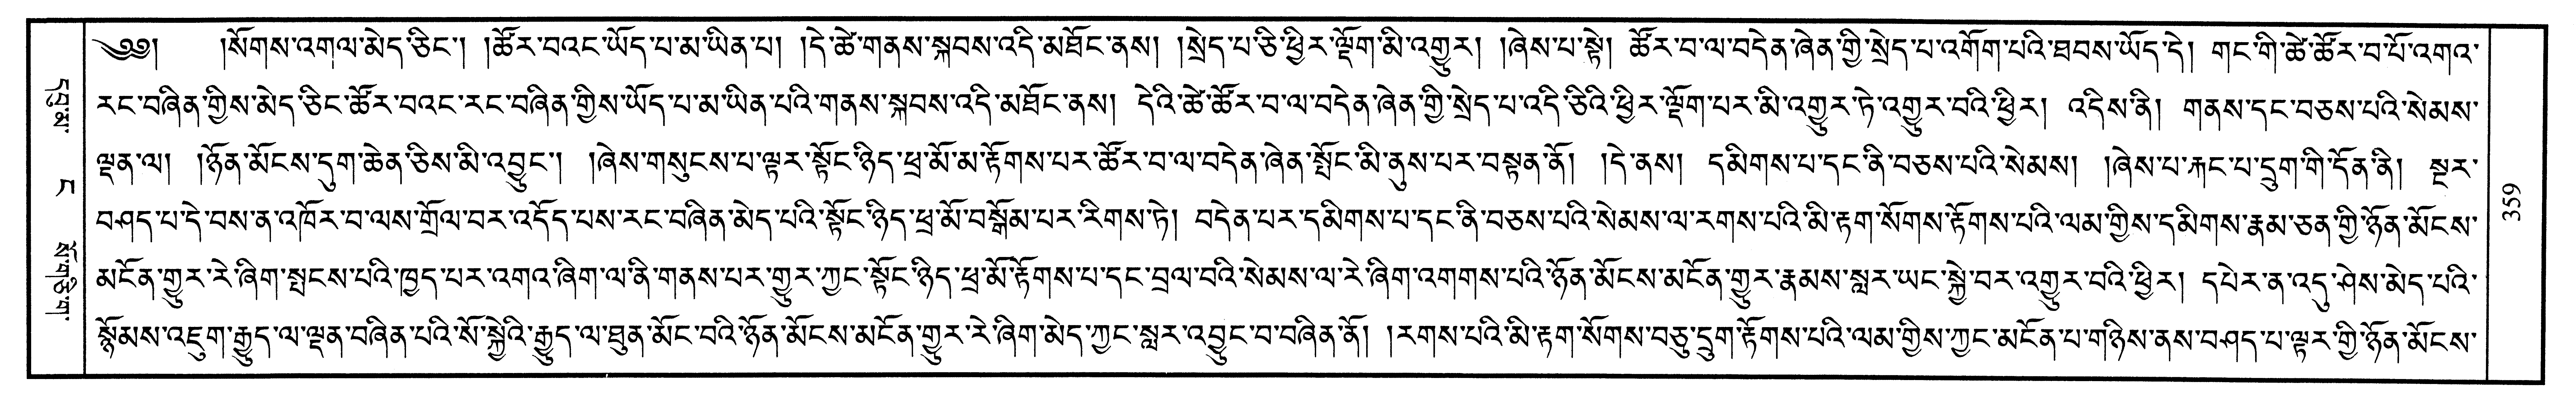༄༅། །སོགས་འགལ་མེད་ཅིང་། །ཚོར་བའང་ཡོད་པ་མ་ཡིན་པ། །དེ་ཚེ་གནས་སྐབས་འདི་མཐོང་ནས། །སྲེད་པ་ཅི་ཕྱིར་ལྡོག་མི་འགྱུར། །ཞེས་པ་སྟེ། ཚོར་བ་ལ་བདེན་ཞེན་གྱི་སྲེད་པ་འགོག་པའི་ཐབས་ཡོད་དེ། གང་གི་ཚེ་ཚོར་བ་པོ་འགའ་
རང་བཞིན་གྱིས་མེད་ཅིང་ཚོར་བའང་རང་བཞིན་གྱིས་ཡོད་པ་མ་ཡིན་པའི་གནས་སྐབས་འདི་མཐོང་ནས། དེའི་ཚེ་ཚོར་བ་ལ་བདེན་ཞེན་གྱི་སྲེད་པ་འདི་ཅིའི་ཕྱིར་ལྡོག་པར་མི་འགྱུར་ཏེ་འགྱུར་བའི་ཕྱིར། འདིས་ནི། གནས་དང་བཅས་པའི་སེམས་
ལྡན་ལ། །ཉོན་མོངས་དུག་ཆེན་ཅིས་མི་འབྱུང་། །ཞེས་གསུངས་པ་ལྟར་སྟོང་ཉིད་ཕྲ་མོ་མ་རྟོགས་པར་ཚོར་བ་ལ་བདེན་ཞེན་སྤོང་མི་ནུས་པར་བསྟན་ནོ། །དེ་ནས། དམིགས་པ་དང་ནི་བཅས་པའི་སེམས། །ཞེས་པ་རྐང་པ་དྲུག་གི་དོན་ནི། སྔར་
བཤད་པ་དེ་བས་ན་འཁོར་བ་ལས་གྲོལ་བར་འདོད་པས་རང་བཞིན་མེད་པའི་སྟོང་ཉིད་ཕྲ་མོ་བསྒོམ་པར་རིགས་ཏེ། བདེན་པར་དམིགས་པ་དང་ནི་བཅས་པའི་སེམས་ལ་རགས་པའི་མི་རྟག་སོགས་རྟོགས་པའི་ལམ་གྱིས་དམིགས་རྣམ་ཅན་གྱི་ཉོན་མོངས་
མངོན་གྱུར་རེ་ཞིག་སྤངས་པའི་ཁྱད་པར་འགའ་ཞིག་ལ་ནི་གནས་པར་གྱུར་ཀྱང་སྟོང་ཉིད་ཕྲ་མོ་རྟོགས་པ་དང་བྲལ་བའི་སེམས་ལ་རེ་ཞིག་འགགས་པའི་ཉོན་མོངས་མངོན་གྱུར་རྣམས་སླར་ཡང་སྐྱེ་བར་འགྱུར་བའི་ཕྱིར། དཔེར་ན་འདུ་ཤེས་མེད་པའི་
སྙོམས་འཇུག་རྒྱུད་ལ་ལྡན་བཞིན་པའི་སོ་སྐྱེའི་རྒྱུད་ལ་ཐུན་མོང་བའི་ཉོན་མོངས་མངོན་གྱུར་རེ་ཞིག་མེད་ཀྱང་སླར་འབྱུང་བ་བཞིན་ནོ། །རགས་པའི་མི་རྟག་སོགས་བཅུ་དྲུག་རྟོགས་པའི་ལམ་གྱིས་ཀྱང་མངོན་པ་གཉིས་ནས་བཤད་པ་ལྟར་གྱི་ཉོན་མོངས་